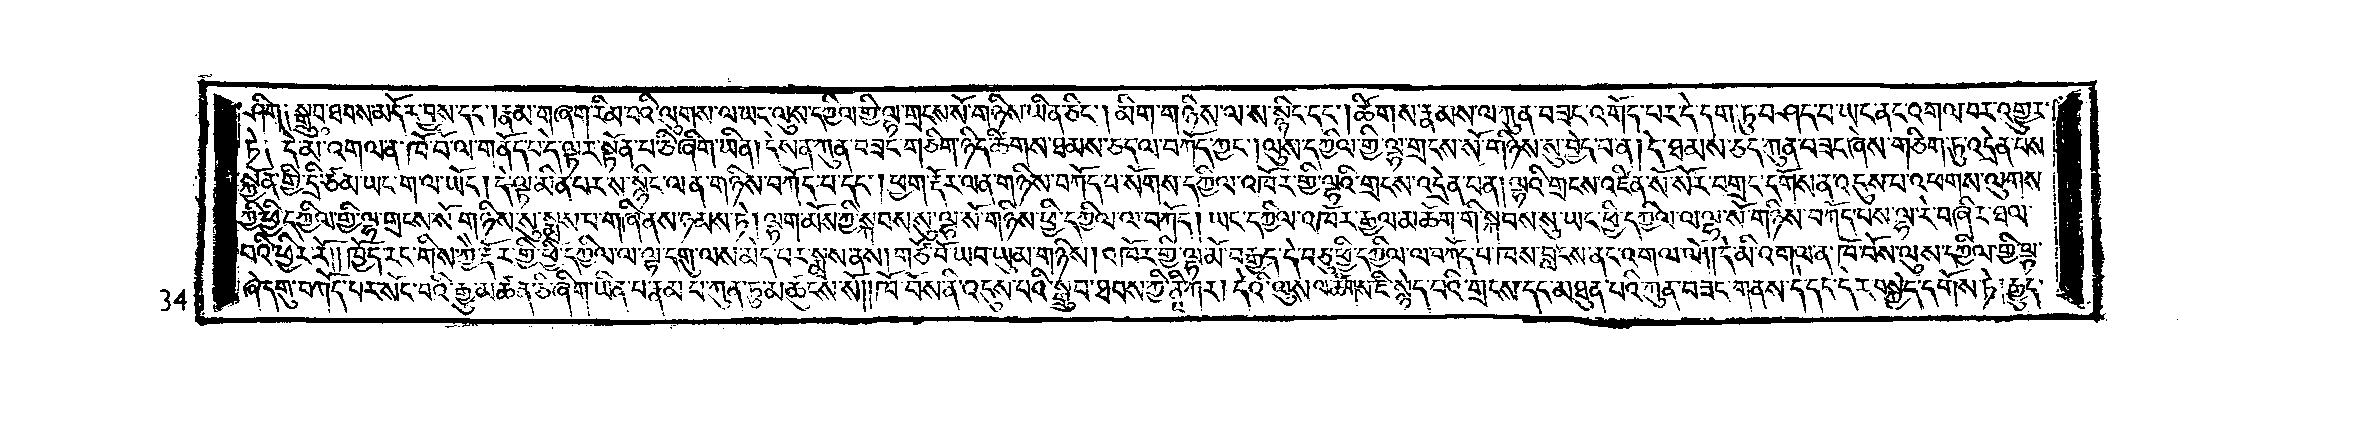ཤིག། སྒྲུབ་ཐབས་མདོར་བྱས་དང་། རྣམ་བཞག་རིམ་བའི་ལུགས་ལ་ཡང་ལུས་དཀྱིལ་གྱི་ལྷ་གྲངས་སོ་གཉིས་ཡིན་ཅིང་། མིག་གཉིས་ལས་སྙིང་དང་། ཚིགས་རྣམས་ལ་ཀུན་བཟང་འགོད་པར་དེ་དག་ཏུ་བཤད་པ་ཡང་ནང་འགལ་བར་འགྱུར་
ཏེ། དེ་མ་འགལ་ན་ཁོ་བོ་ལ་གནོད་པ་དེ་ལྟར་སྟོན་པ་ཅི་ཞིག་ཡིན། དེས་ན་ཀུན་བཟང་གཅིག་ཉིད་ཚིགས་ཐམས་ཅད་ལ་བཀོད་ཀྱང་། ལུས་དཀྱིལ་གྱི་ལྷ་གྲངས་སོ་གཉིས་སུ་བྱེད་པ་ན། དེ་ཐམས་ཅད་ཀུན་བཟང་ཞེས་གཅིག་ཏུ་འདྲེན་པས་
སྐྱོན་གྱི་དྲི་ཙམ་ཡང་ག་ལ་ཡོད། དེ་ལྟ་མིན་པར་ས་སྙིང་ལན་གཉིས་བཀོད་པ་དང་། ཕྱག་རྡོར་ལན་གཉིས་བཀོད་པ་སོགས་དཀྱིལ་འཁོར་གྱི་ལྷའི་གྲངས་འདྲེན་པ་ན། ལྷའི་གྲངས་འཛིན་སོ་སོར་བགྲང་དགོས་ན་འདུས་པ་འཕགས་ལུགས་
ཀྱི་ཕྱི་དཀྱིལ་གྱི་ལྷ་གྲངས་སོ་གཉིས་སུ་སྨྲས་པ་གཞི་ནས་ཉམས་ཏེ། ལྷག་མོས་ཀྱི་སྐབས་སུ་ལྷ་སོ་གཉིས་ཕྱི་དཀྱིལ་ལ་བཀོད། ཡང་དཀྱིལ་འཁོར་རྒྱལ་མཆོག་གི་སྐབས་སུ་ཡང་ཕྱི་དཀྱིལ་ལ་ལྷ་སོ་གཉིས་བཀོད་པས་ལྷ་རེ་བཞིར་ཐལ་
པའི་ཕྱིར་རོ། །ཁྱོད་རང་གིས་ཀྱཻ་རྡོར་གྱི་ཕྱི་དཀྱིལ་ལ་ལྷ་དགུ་ལས་མེད་པར་སྨྲས་ནས། གཙོ་བོ་ཡབ་ཡུམ་གཉིས། འཁོར་གྱི་ལྷ་མོ་བརྒྱད་དེ་བཅུ་ཕྱི་དཀྱིལ་ལ་བཀོད་པ་ཁས་བླངས་ནང་འགལ་ལོ། །དེ་མི་འགལ་ན་ཁོ་བོས་ལུས་དཀྱིལ་གྱི་ལྟ་
ཞེ་དགུ་བཀོད་པར་སོང་བའི་རྒྱུ་མཚན་ཅི་ཞིག་ཡིན་པ་རྣམ་པ་ཀུན་ཏུ་མཚུངས་སོ། །ཁོ་བོས་ནི་འདུས་པའི་སྒྲུབ་ཐབས་ཀྱི་ཊཱི་ཀར། དེའི་ལུས་ལ་ཚོགས་ཇི་སྙེད་པའི་གྲངས་དང་མཐུན་པའི་ཀུན་བཟང་གནས་དེ་དང་དེར་བསྐྱེད་དགོས་ཏེ། རྒྱུད་